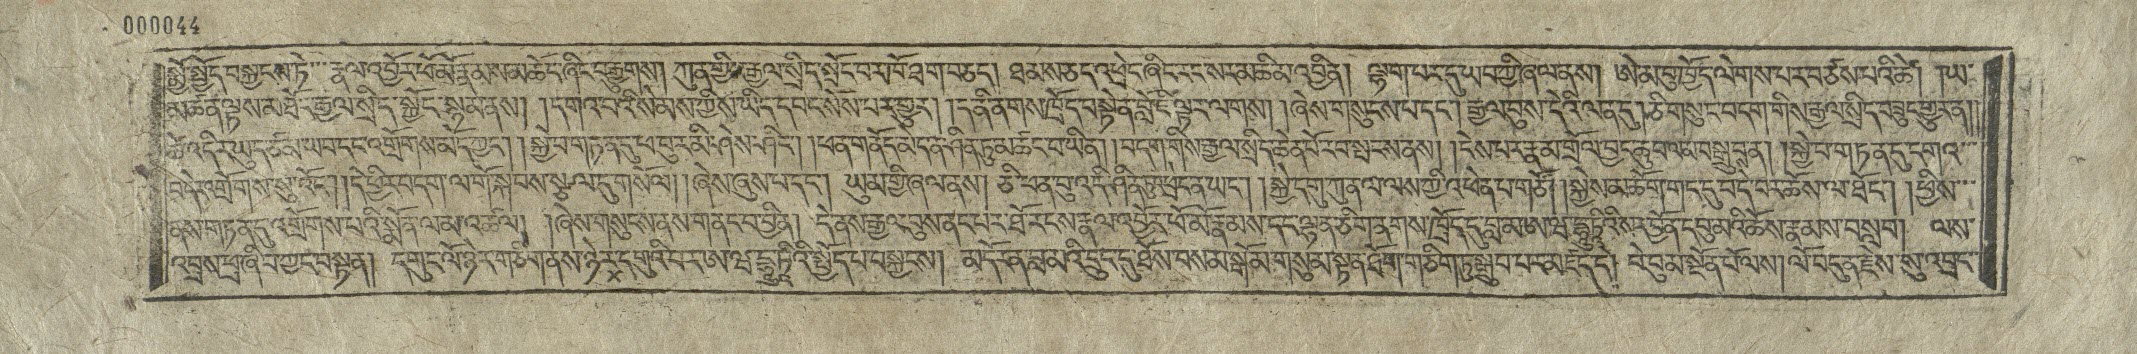སྨྱོ་སྤྱོད་བསྐྱངས་ཏེ་རྣལ་འབྱོར་ཕོ་མོ་རྣམས་མཆོད་ཞིང་བརྒྱུགས། ཀུན་གྱིས་རྒྱལ་སྲིད་སྤོང་བར་ཁོ་ཐག་བཅད། ཐམས་ཅད་འཕྲེང་ཞིང་རང་སར་མཆིམ་འབྱིན། ལྷག་པར་དུ་ཡབ་ཀྱི་ཞལ་ནས། ཨེ་མ་བུ་ཁྱོད་ལེགས་པར་བཙས་པའི་ཚེ། །ཡ་
མཚན་ལྟས་མཐོང་རྒྱལ་སྲིད་སྐྱོང་སྙམ་ནས། །དགའ་བའི་སེམས་ཀྱིས་ཡིད་དབང་སོས་པར་གྱུར། །ད་ནི་ནགས་ཁྲོད་བསྟེན་བློ་ཇི་ལྟར་ལགས། །ཞེས་གསུངས་པ་དང་། རྒྱལ་བུས་དེའི་ལན་དུ། ཅི་གསུང་བདག་གིས་རྒྱལ་སྲིད་བཟུང་གྱུར་ན།།
ཚེ་འདིར་ཡུད་ཙམ་ཡབ་དང་འགྲོགས་མོད་ཀྱང་། །སྐྱེ་བ་གཏན་དུ་ཕ་བུར་མི་ཤེས་ཤིང་། །ཕན་གནོད་མེད་ན་ཤིན་ཏུ་མཚང་བ་ཡིན། །བདག་གིས་རྒྱལ་སྲིད་ཆེན་པོ་རབ་སྤངས་ནས། །ངེས་པར་རྣམ་གྲོལ་བྱང་ཆུབ་ལམ་བསྒྲུབས་ན། །སྐྱེ་བ་གཏན་དུ་དགའ་
བདེར་འགྲོགས་སུ་འོང་། །དེ་ཕྱིར་བདག་ལ་གོ་སྐབས་སྩལ་དུ་གསོལ། །ཞེས་ཞུས་པ་དང་། ཡུམ་གྱི་ཞལ་ནས། ཅི་ཕན་བུ་འདི་ཤིན་ཏུ་འཕྲེང་ན་ཡང་། །སྐྱེ་དགུ་ཀུན་ལ་ལས་ཀྱི་འཕེན་པ་གཙོ། །སྐྱེས་མཆོག་གང་དུ་བདེ་བར་ཆོས་ལ་ཐོང་། །ཕྱིས་
ནས་གཏན་དུ་འགྲོགས་པའི་སྨོན་ལམ་འཚལ། །ཞེས་གསུངས་ནས་གནང་བ་བྱིན། དེ་ནས་རྒྱལ་བུས་ནང་པར་ཐོ་རངས་རྣལ་འབྱོར་ཕོ་མོ་རྣམས་དང་ལྷན་ཅིག་ནགས་ཁྲོད་དུ་བླ་མ་ཨ་ཝ་དྷཱུ་ཏཱིའི་སར་བྱོན་དབུ་མའི་ཆོས་རྣམས་བསླབ། ལས་
འབྲས་ཕྲ་ཞིབ་ཀྱང་བསྟན། དགུང་ལོ་ཉེར་གཅིག་ནས་ཉེར྾་དགུའི་བར་ཨ་ཝ་དྷཱུ་ཏཱིའི་སྤྱོད་པ་བསྐྱངས། མདོར་ན་བླ་མའི་དྲུང་དུ་ཐོས་བསམ་སྒོམ་གསུམ་སྟན་ཐོག་གཅིག་ཏུ་སྒྲུབ་པར་མཛད་དེ། བེ་བུམ་སྔོན་པོ་ལས། ལོ་བདུན་རྗེས་སུ་འབྲང་